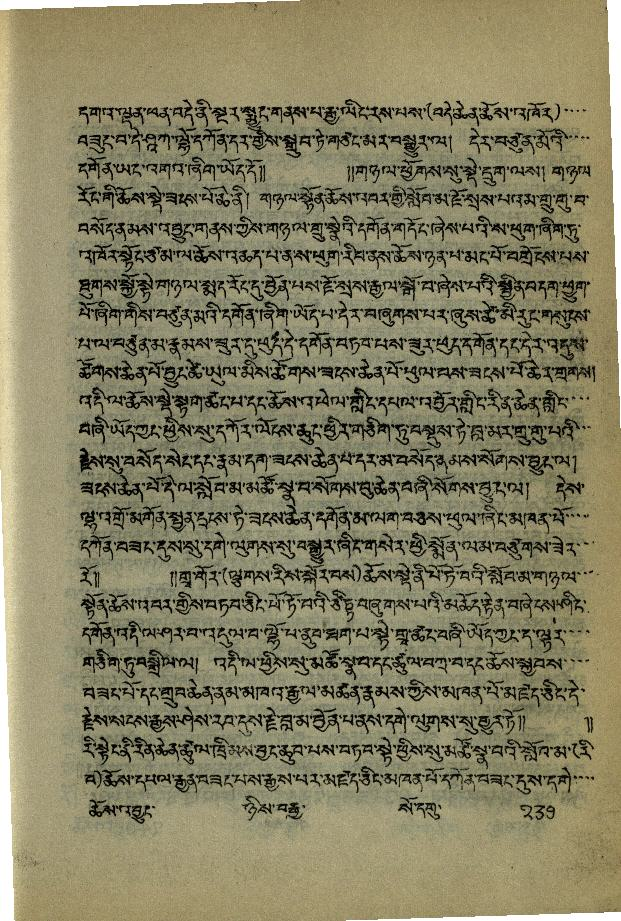དགའ་ལྡན་ཕན་བདེ་ནི་སྔར་སྨྱུང་གནས་པ་རྒྱ་ལིང་རས་པས་བདེ་ཆེན་ཆོས་འཁོར
བཟུང་བ་དེ་ཤཱཀ་ལྷོ་དཀོན་དར་གྱིས་སྒྲུབ་ཏེ་གཙང་མར་བསྒྱུར་ལ། དེར་བཙུན་མོའི་
དགོན་ཡང་འགའ་ཞིག་ཡོད་དོ།། །།གཉལ་ཕྱོགས་སུ་སྡེ་དྲུག་ལས། གཉལ་
རོང་གི་ཆོས་སྡེ་ཟངས་པོ་ཆེ་ནི། གཉལ་སྟོན་ཆོས་འབར་གྱི་སློབ་མ་ཇོ་སྲས་པའམ་གྲུ་གུ་བ་
བསོད་ནམས་འབྱུང་གནས་ཀྱིས་གཉལ་གྲུ་སྣེའི་དགོན་གདོང་ཞེས་པའི་ས་ཕུག་ཞིག་ཏུ་
འཁོར་སྟོང་ཙམ་ལ་ཆོས་འཆད་པ་ན་ས་ཕུག་རིབ་ནས་ཆོས་ཉན་པ་མང་པོ་བགྲོངས་པས་
ཐུགས་སྐྱོ་སྟེ་གཉལ་སྨད་རོང་དུ་བྱོན་པས་ཇོ་སྲས་རྒྱལ་སྒོ་བ་ཞེས་པའི་སྤྱིན་བདག་ཕྱུག་
པོ་ཞིག་གིས་བཙུན་མའི་དགོན་ཞིག་ཡོད་པ་དེར་བཞུགས་པར་ཞུས་ཚེ་མི་རུང་གསུངས་
པ་ལ་བཙུན་མ་རྣམས་ཟུར་དུ་ཕུད་དེ་དགོན་བཏབ་པས་ཟུར་ཕུད་དགོན་དང་དེར་འདུས་
ཚོགས་ཆེན་པོ་བྱུང་ཚེ་ཡུལ་མིས་ཚོགས་ཟངས་ཆེན་པོ་ཕུལ་བས་ཟངས་པོ་ཆེར་གྲགས།
འདི་ལ་ཆོས་སྡེ་སྟག་ཚང་པ་དང་ཆོས་འཕེལ་གླིང་དཔལ་འབྱོར་གླིང་རིན་ཆེན་གླིང་
བཞི་ཡོད་ཀྱང་ཕྱིས་སུ་དཀོར་ལོངས་ཆུང་ཕྱིར་གཅིག་ཏུ་བསྡུས་ཏེ་བླ་མར་གྲུ་གུ་པའི་
རྗེས་སུ་བསོད་སེང་དང་རྣམ་དག་ཟངས་ཆེན་པ་དར་མ་བསོད་ནམས་སོགས་བྱུང་ལ།
ཟངས་ཆེན་པོ་དེ་ལ་སློབ་མ་མཚོ་སྣ་བ་སོགས་བུ་ཆེན་བཞི་སོགས་བྱུང་ལ། དེས་
ལྷ་འགྲོ་མགོན་སྤྱན་དྲངས་ཏེ་ཟངས་ཆེན་དགོན་མ་ལག་བཅས་ཕུལ་ཞིང་མཁན་པོ་
དཀོན་བཟང་དུས་སུ་དགེ་ལུགས་སུ་བསྒྱུར་ཞིང་གསེར་ཕྱི་སྨོན་ལམ་བཙུགས་ཟེར་
རོ།། །།གྲྭ་གོར་ལྕགས་རིས་སྐོར་བས་ཆོས་སྡེ་ནི་པོ་ཏོ་བའི་སློབ་མ་གཉལ་
སྟོན་ཆོས་འབར་གྱིས་བཏབ་ཅིང་པོ་ཏོ་བའི་ཙིཏྟ་བཞུགས་པའི་མཆོད་རྟེན་བཞེངས་ཤིང་
དགོན་འདི་ལ་ཤར་བ་འདུལ་བ་ལྷོ་པ་ནུབ་ཐག་པ་སྟེ་གྲྭ་ཚང་བཞི་ཡོད་ཀྱང་ད་ལྟར་
གཅིག་ཏུ་བསྒྲིལ་ལ། འདི་ལ་ཕྱིས་སུ་མཚོ་སྣ་བ་དང་ཚུལ་བཀྲ་བ་དང་ཆོས་སྐྱབས་
བཟང་པོ་དང་གྲུབ་ཆེན་ནམ་མཁའ་རྒྱལ་མཚན་རྣམས་ཀྱིས་མཁན་པོ་མཛད་ཅིང་དེ་
རྗེས་སངས་རྒྱས་ཤེས་རབ་དུས་རྗེ་བླ་མ་བྱོན་པ་ནས་དགེ་ལུགས་སུ་གྱུར་ཏོ།། །།
རི་སྟེང་ནི་རིན་ཆེན་ཚུལ་ཁྲིམས་བྱང་ཆུབ་པས་བཏབ་སྟེ་ཕྱིས་སུ་མཚོ་སྣ་བའི་སློབ་མ་རི་
བ་ཆོས་དཔལ་རྒྱན་བཟང་པས་རྒྱས་པར་མཛད་ཅིང་མཁན་པོ་དཀོན་བཟང་དུས་དགེ་